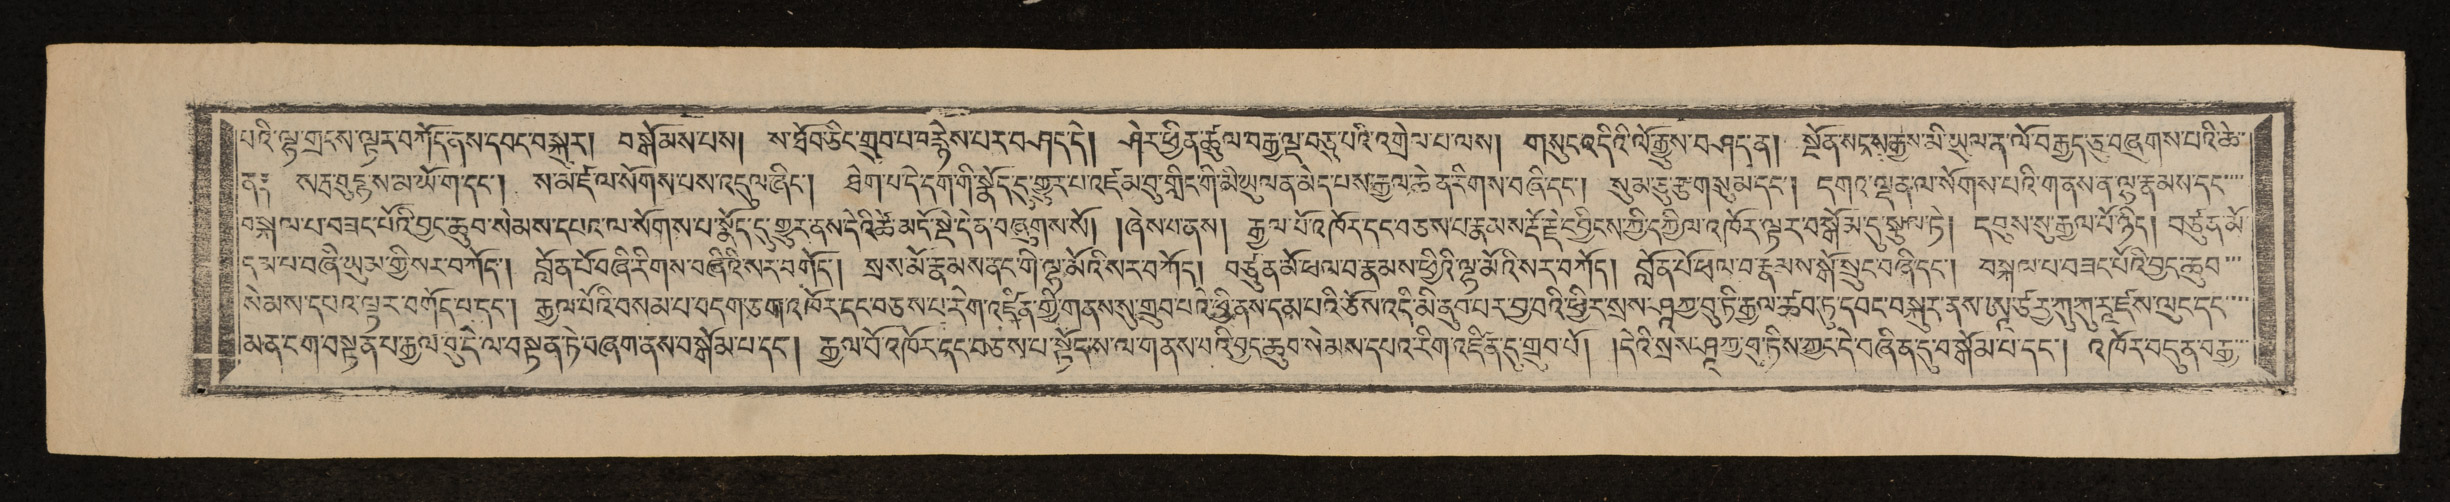པའི་ལྷ་གྲངས་ལྟར་བཀོད་ནས་དབང་བསྐུར། བསྒོམས་པས། ས་ཐོབ་ཅིང་གྲུབ་པ་བརྙེས་པར་བཤད་དེ། ཤེར་ཕྱིན་ཚུལ་བརྒྱ་ལྔ་བཅུ་པའི་འགྲེལ་པ་ལས། གསུང་འདིའི་ལོ་རྒྱུས་བཤད་ན། སྔོན་སངས་རྒྱས་མི་ཡུལ་ན་ལོ་བརྒྱད་ཅུ་བཞུགས་པའི་ཚེ་
ན༑ སརྦ་བུདྷ་ས་མ་ཡོ་ག་དང་། ས་མ་ཛ་ལ་སོགས་པས་འདུལ་ཞིང་། ཐེག་པ་དེ་དག་གི་སྣོད་དུ་གྱུར་པ་འཛམ་བུ་གླིང་གི་མི་ཡུལ་ན་མེད་པས་རྒྱལ་ཆེན་རིགས་བཞི་དང་། སུམ་ཅུ་རྩ་གསུམ་དང་། དགའ་ལྡན་ལ་སོགས་པའི་གནས་ན་ལྷ་རྣམས་དང་
བསྐལ་པ་བཟང་པོའི་བྱང་ཆུབ་སེམས་དཔའ་ལ་སོགས་པ་སྣོད་དུ་གྱུར་ནས་དེའི་ཚེ་མདོ་སྡེ་དེ་ན་བཞུགས་སོ། །ཞེས་པ་ནས། རྒྱལ་པོ་འཁོར་དང་བཅས་པ་རྣམས་རྡོ་རྗེ་དབྱིངས་ཀྱི་དཀྱིལ་འཁོར་ལྟར་བསྒོམ་དུ་སྩལ་ཏེ། དབུས་སུ་རྒྱལ་པོ་ཉིད། བཙུན་མོ་
དམ་པ་བཞི་ཡུམ་གྱི་སར་བཀོད། བློན་པོ་བཞི་རིགས་བཞིའི་སར་བཀོད། སྲས་མོ་རྣམས་ནང་གི་ལྷ་མོའི་སར་བཀོད། བཙུན་མོ་ཕལ་བ་རྣམས་ཕྱིའི་ལྷ་མོའི་སར་བཀོད། བློན་པོ་ཕལ་བ་རྣམས་སྒོ་སྲུང་བཞི་དང་། བསྐལ་པ་བཟང་པོའི་བྱང་ཆུབ་
སེམས་དཔའ་ལྟར་བཀོད་པ་དང་། རྒྱལ་པོའི་བསམ་པ་བདག་ཅག་འཁོར་དང་བཅས་པ་རིག་འཛིན་གྱི་གནས་སུ་གྲུབ་པའི་ཕྱི་ནས་དམ་པའི་ཆོས་འདི་མི་ནུབ་པར་བྱ་བའི་ཕྱིར་སྲས་ཤཱཀྱ་པུ་ཏི་རྒྱལ་ཚབ་ཏུ་དབང་བསྐུར་ནས་ཨཱ་ཙརྱ་ཀུ་ཀུ་རཱ་ཛས་ལུང་དང་
མན་ངག་བསྟན་པ་རྒྱལ་བུ་དེ་ལ་བསྟན་ཏེ་བཞག་ནས་བསྒོམ་པ་དང་། རྒྱལ་པོ་འཁོར་དང་བཅས་པ་སྟོད་ས་ལ་གནས་པའི་བྱང་ཆུབ་སེམས་དཔའ་རིག་འཛིན་དུ་གྲུབ་བོ། །དེའི་སྲས་ཤཱཀྱ་པུ་ཏིས་ཀྱང་དེ་བཞིན་དུ་བསྒོམ་པ་དང་། འཁོར་བདུན་བརྒྱ་